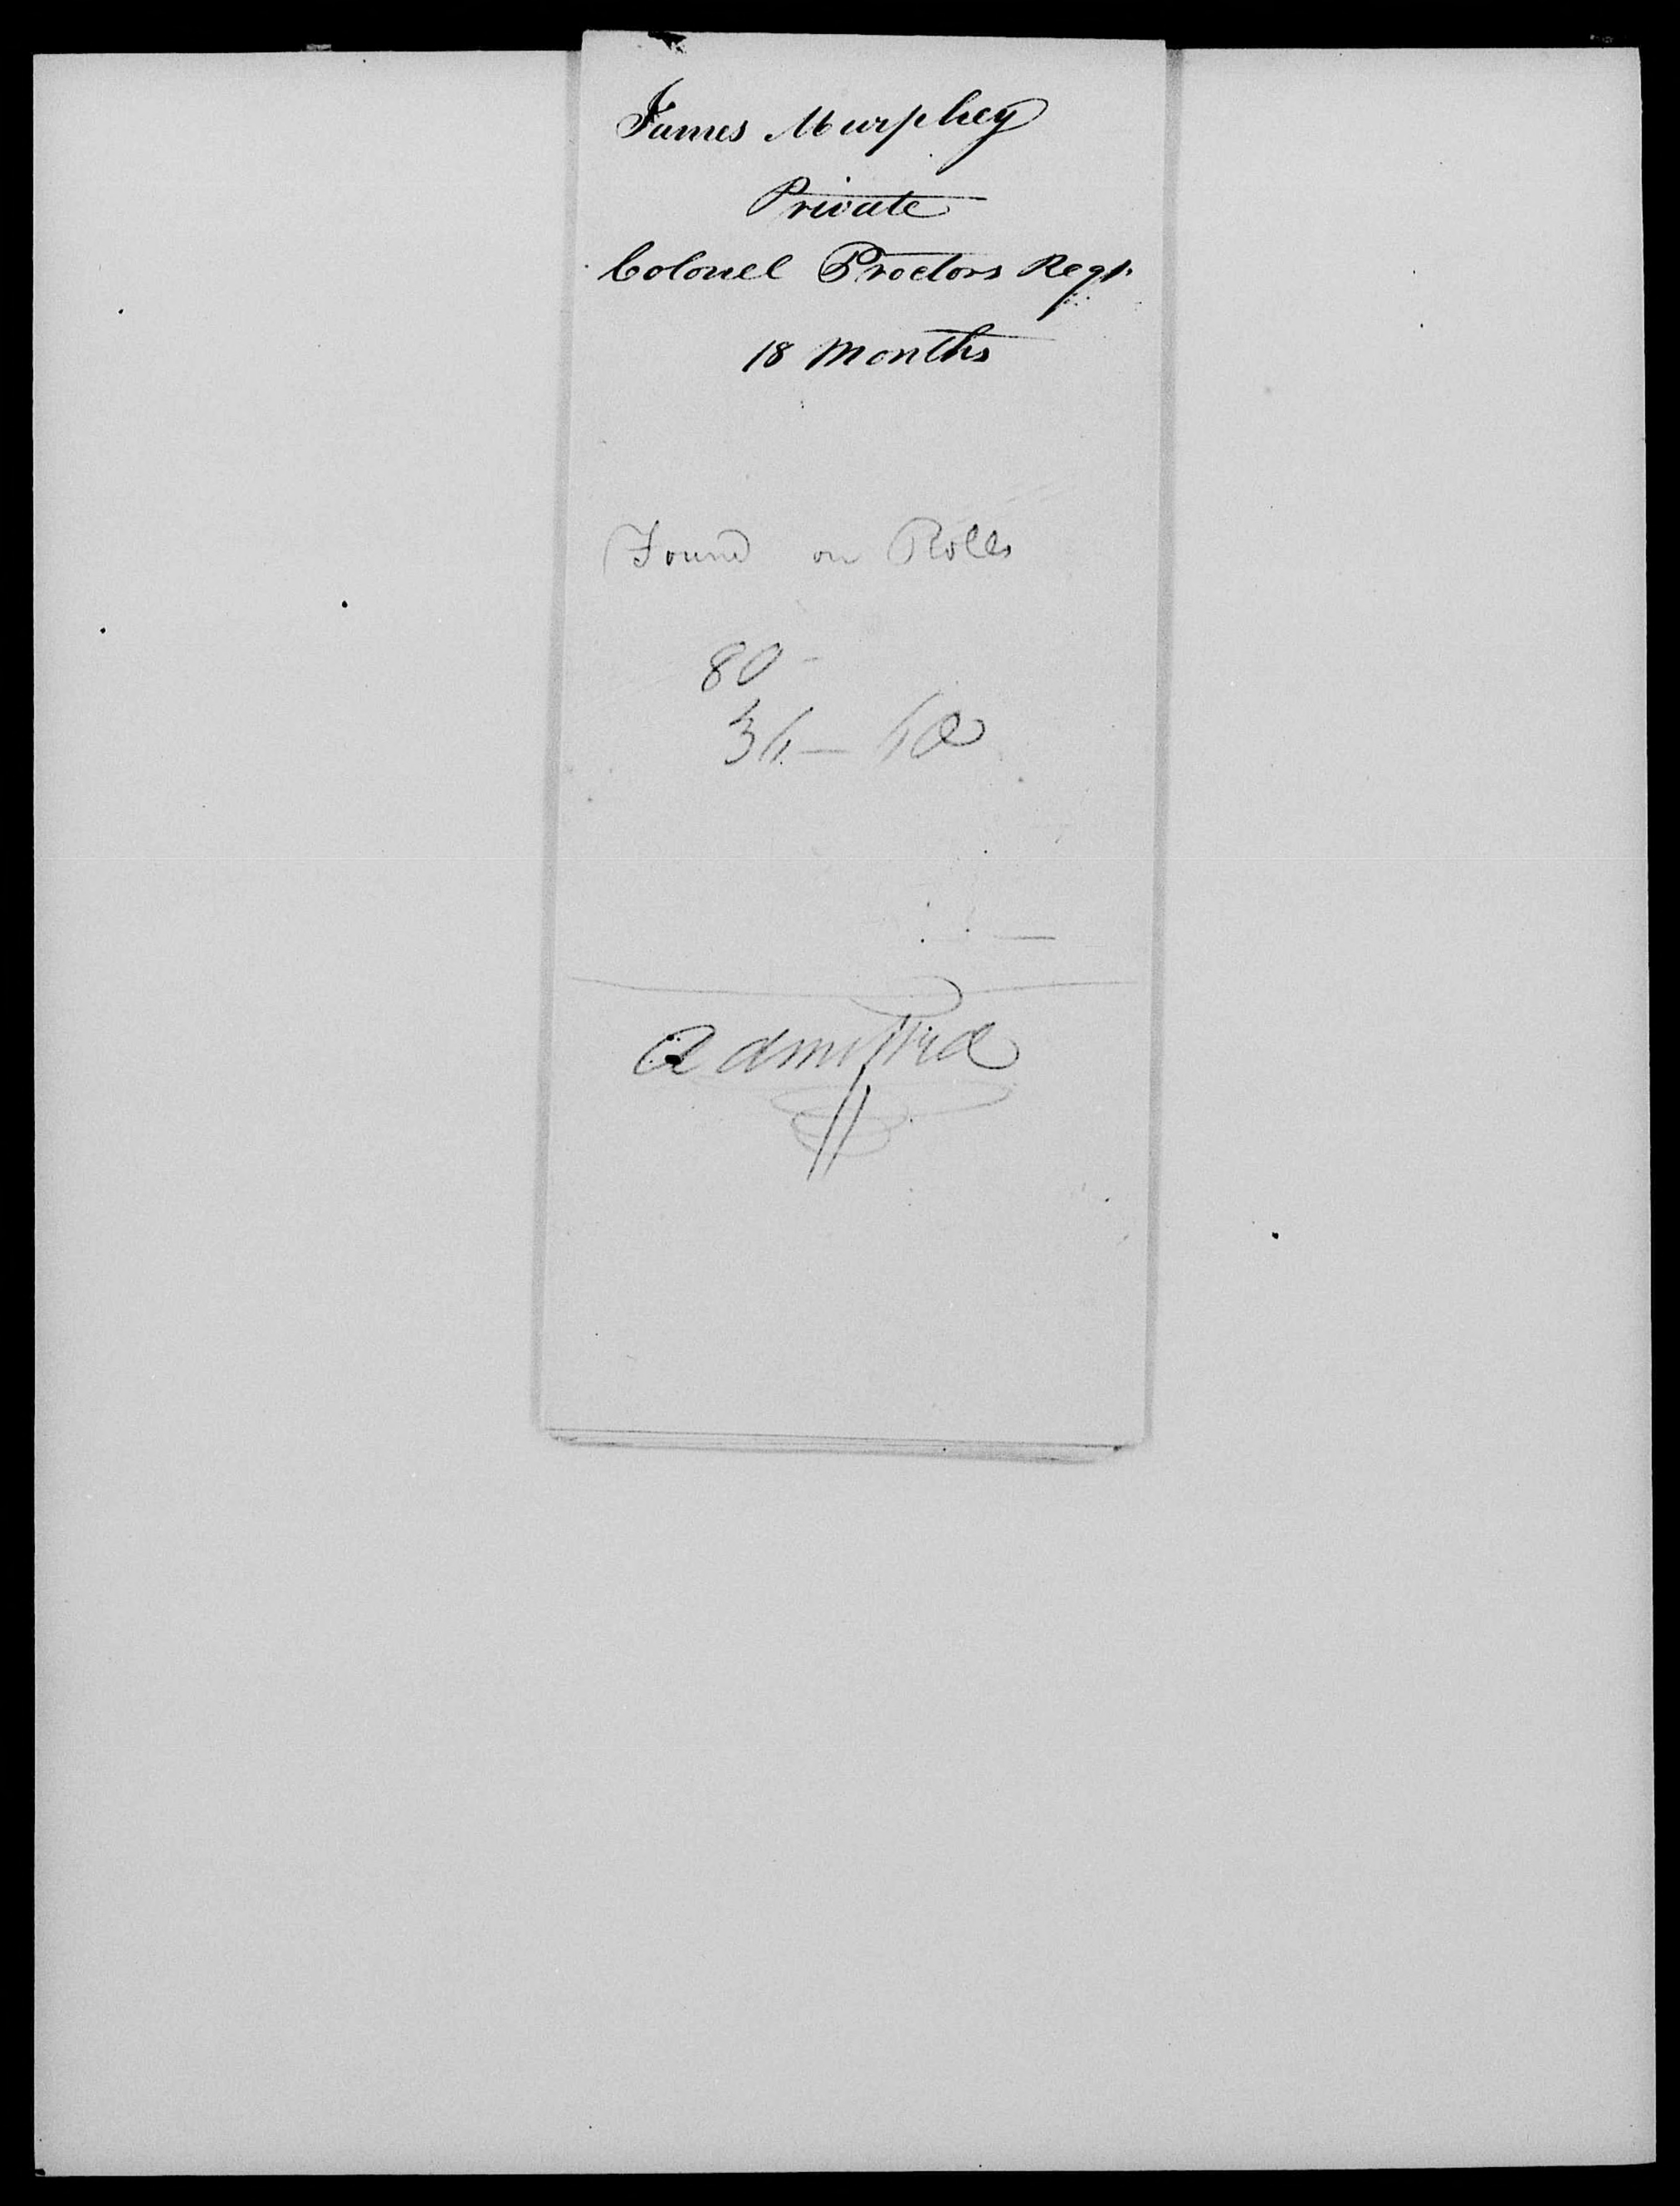James Murphey
Private
Colonel Proctors Regt
18 months

Found on Rolls

80
36 - 60

Admitted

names: James Murphey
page: 9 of 57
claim: widow's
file: W. 25,739, for James Murphey, Pennsylvania